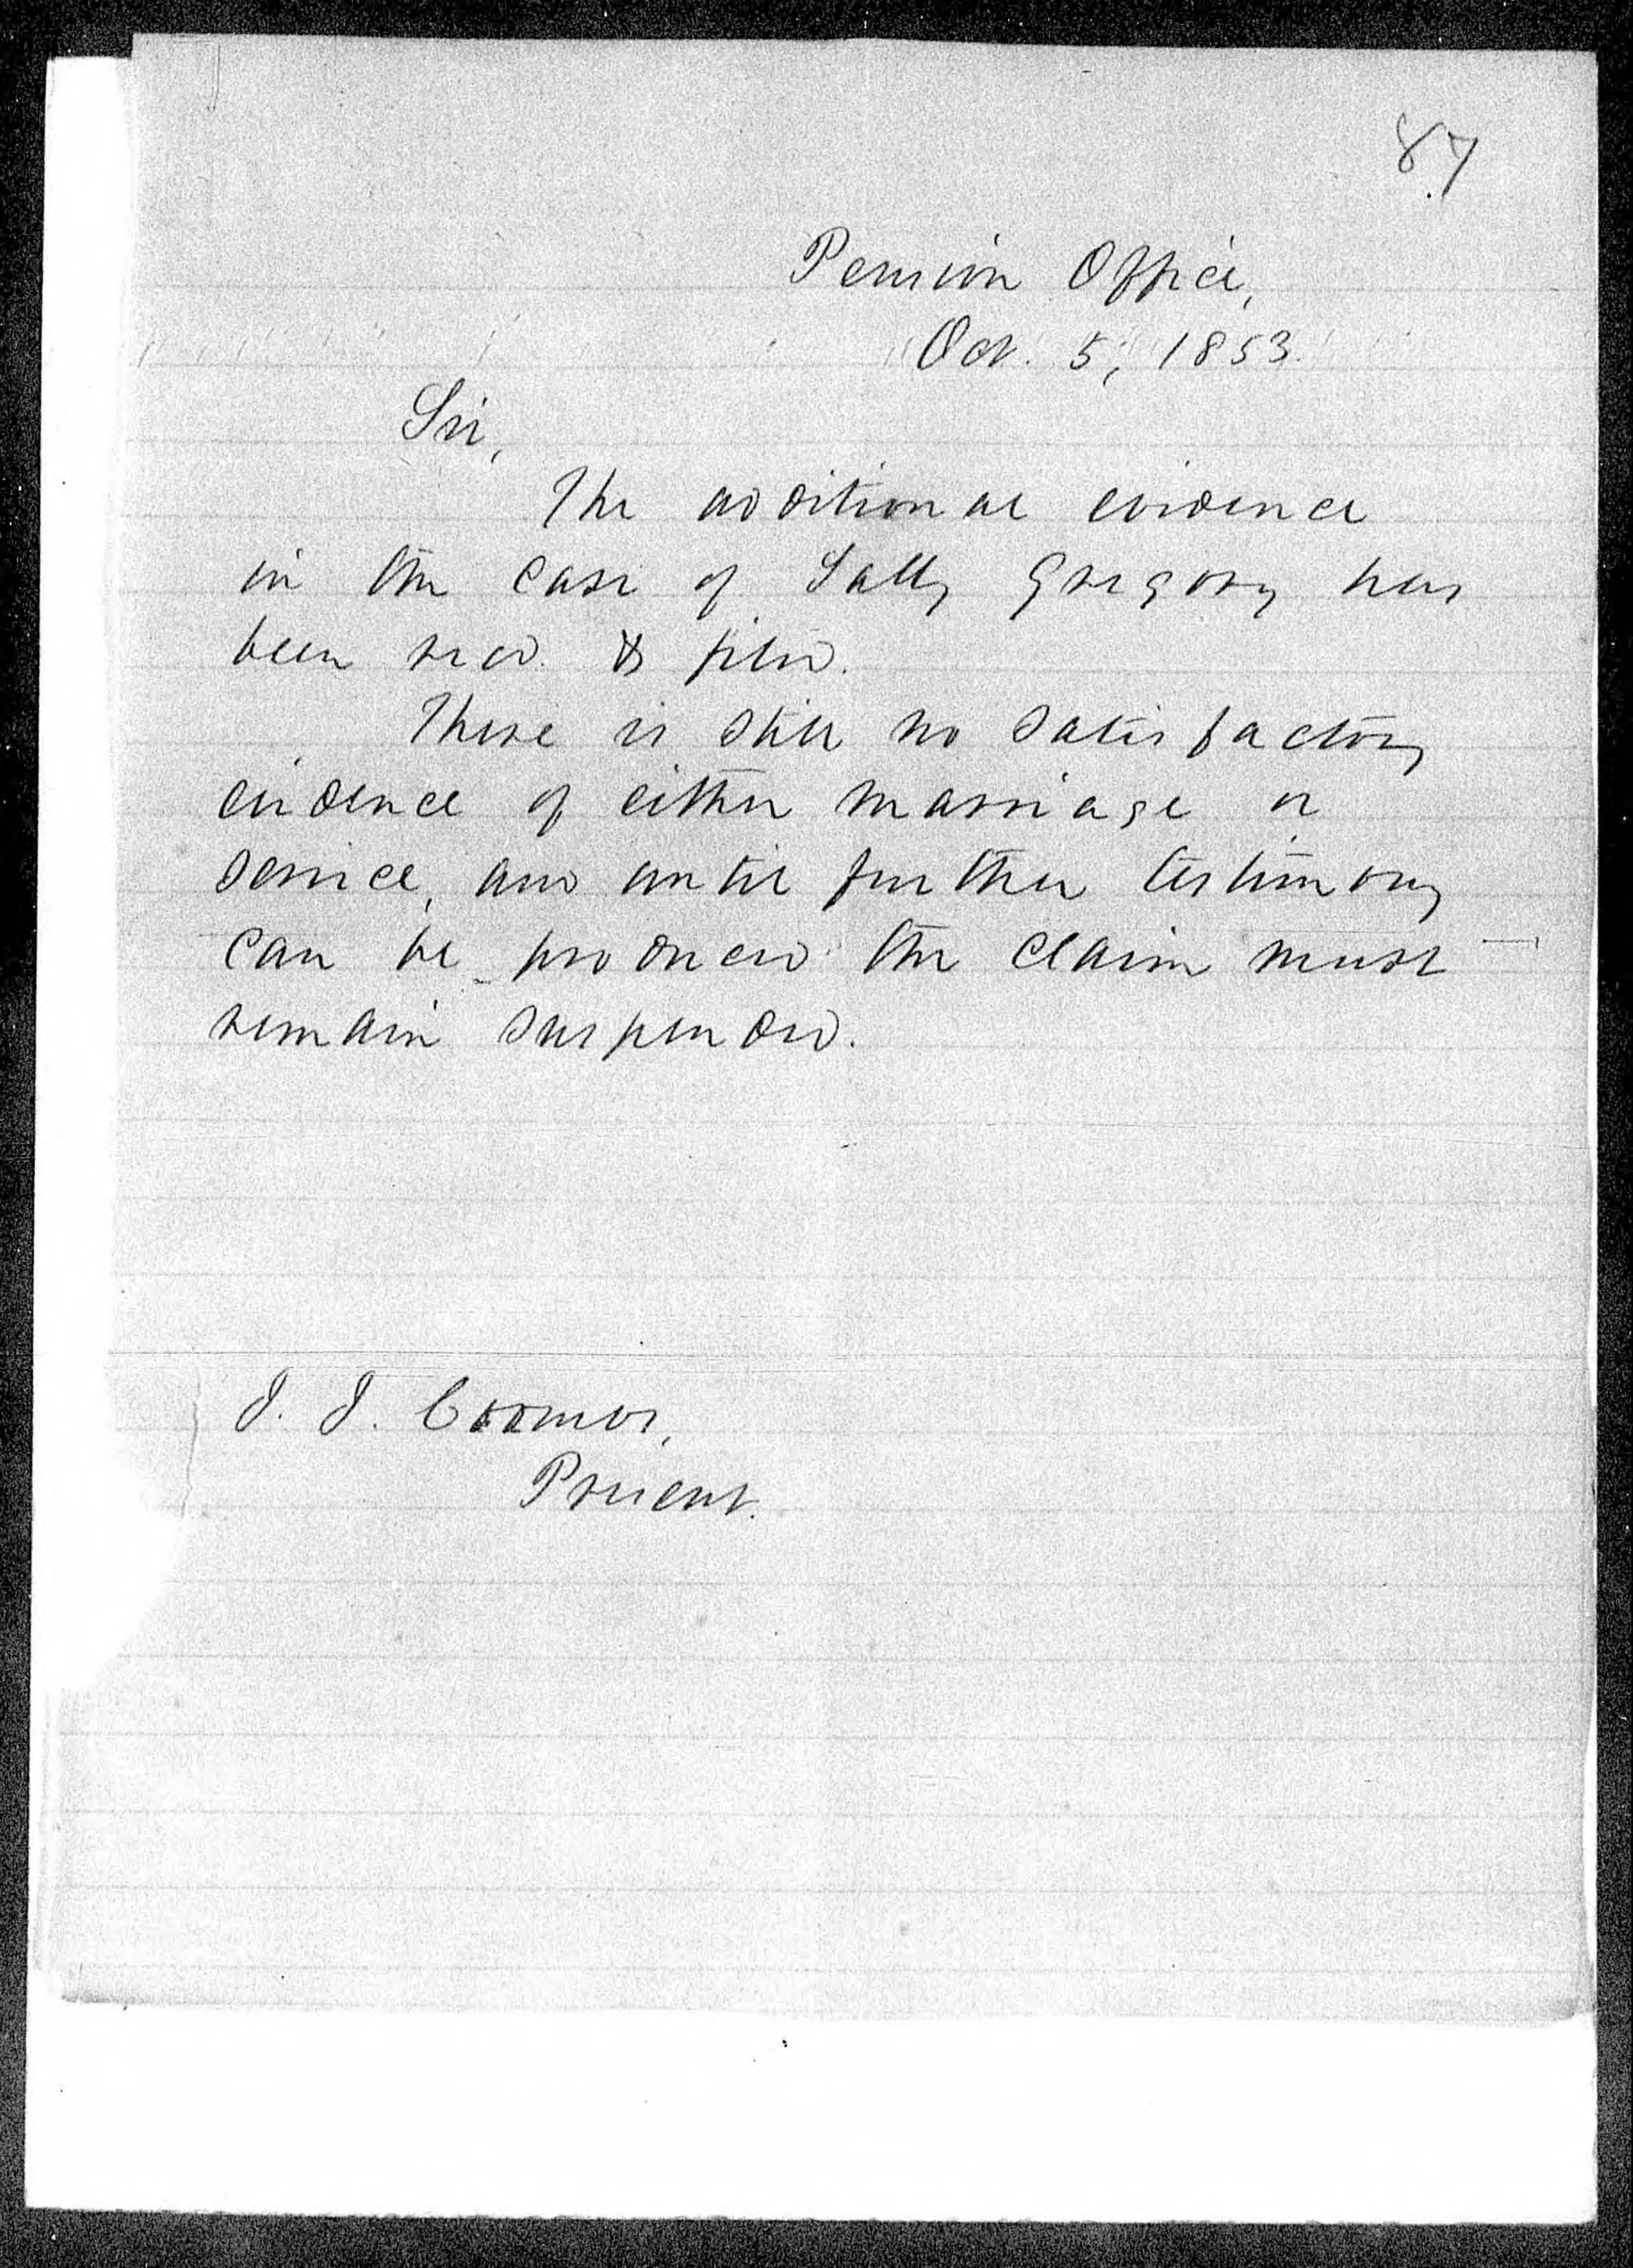87
Pension Office
Oct 5, 1853
Sir,
The additional evidence in the case of sally Gregory has been rec'd & filed.
There is still no satisfactory evidence of either marriage of service, and until further testimony can be produced the claim must remain suspended.

J. J. Coombs
Present.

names: J J Coombs, Sally Gregory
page: 33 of 75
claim: widow's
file: W. 8876, Thomas Gregory, Continental Va